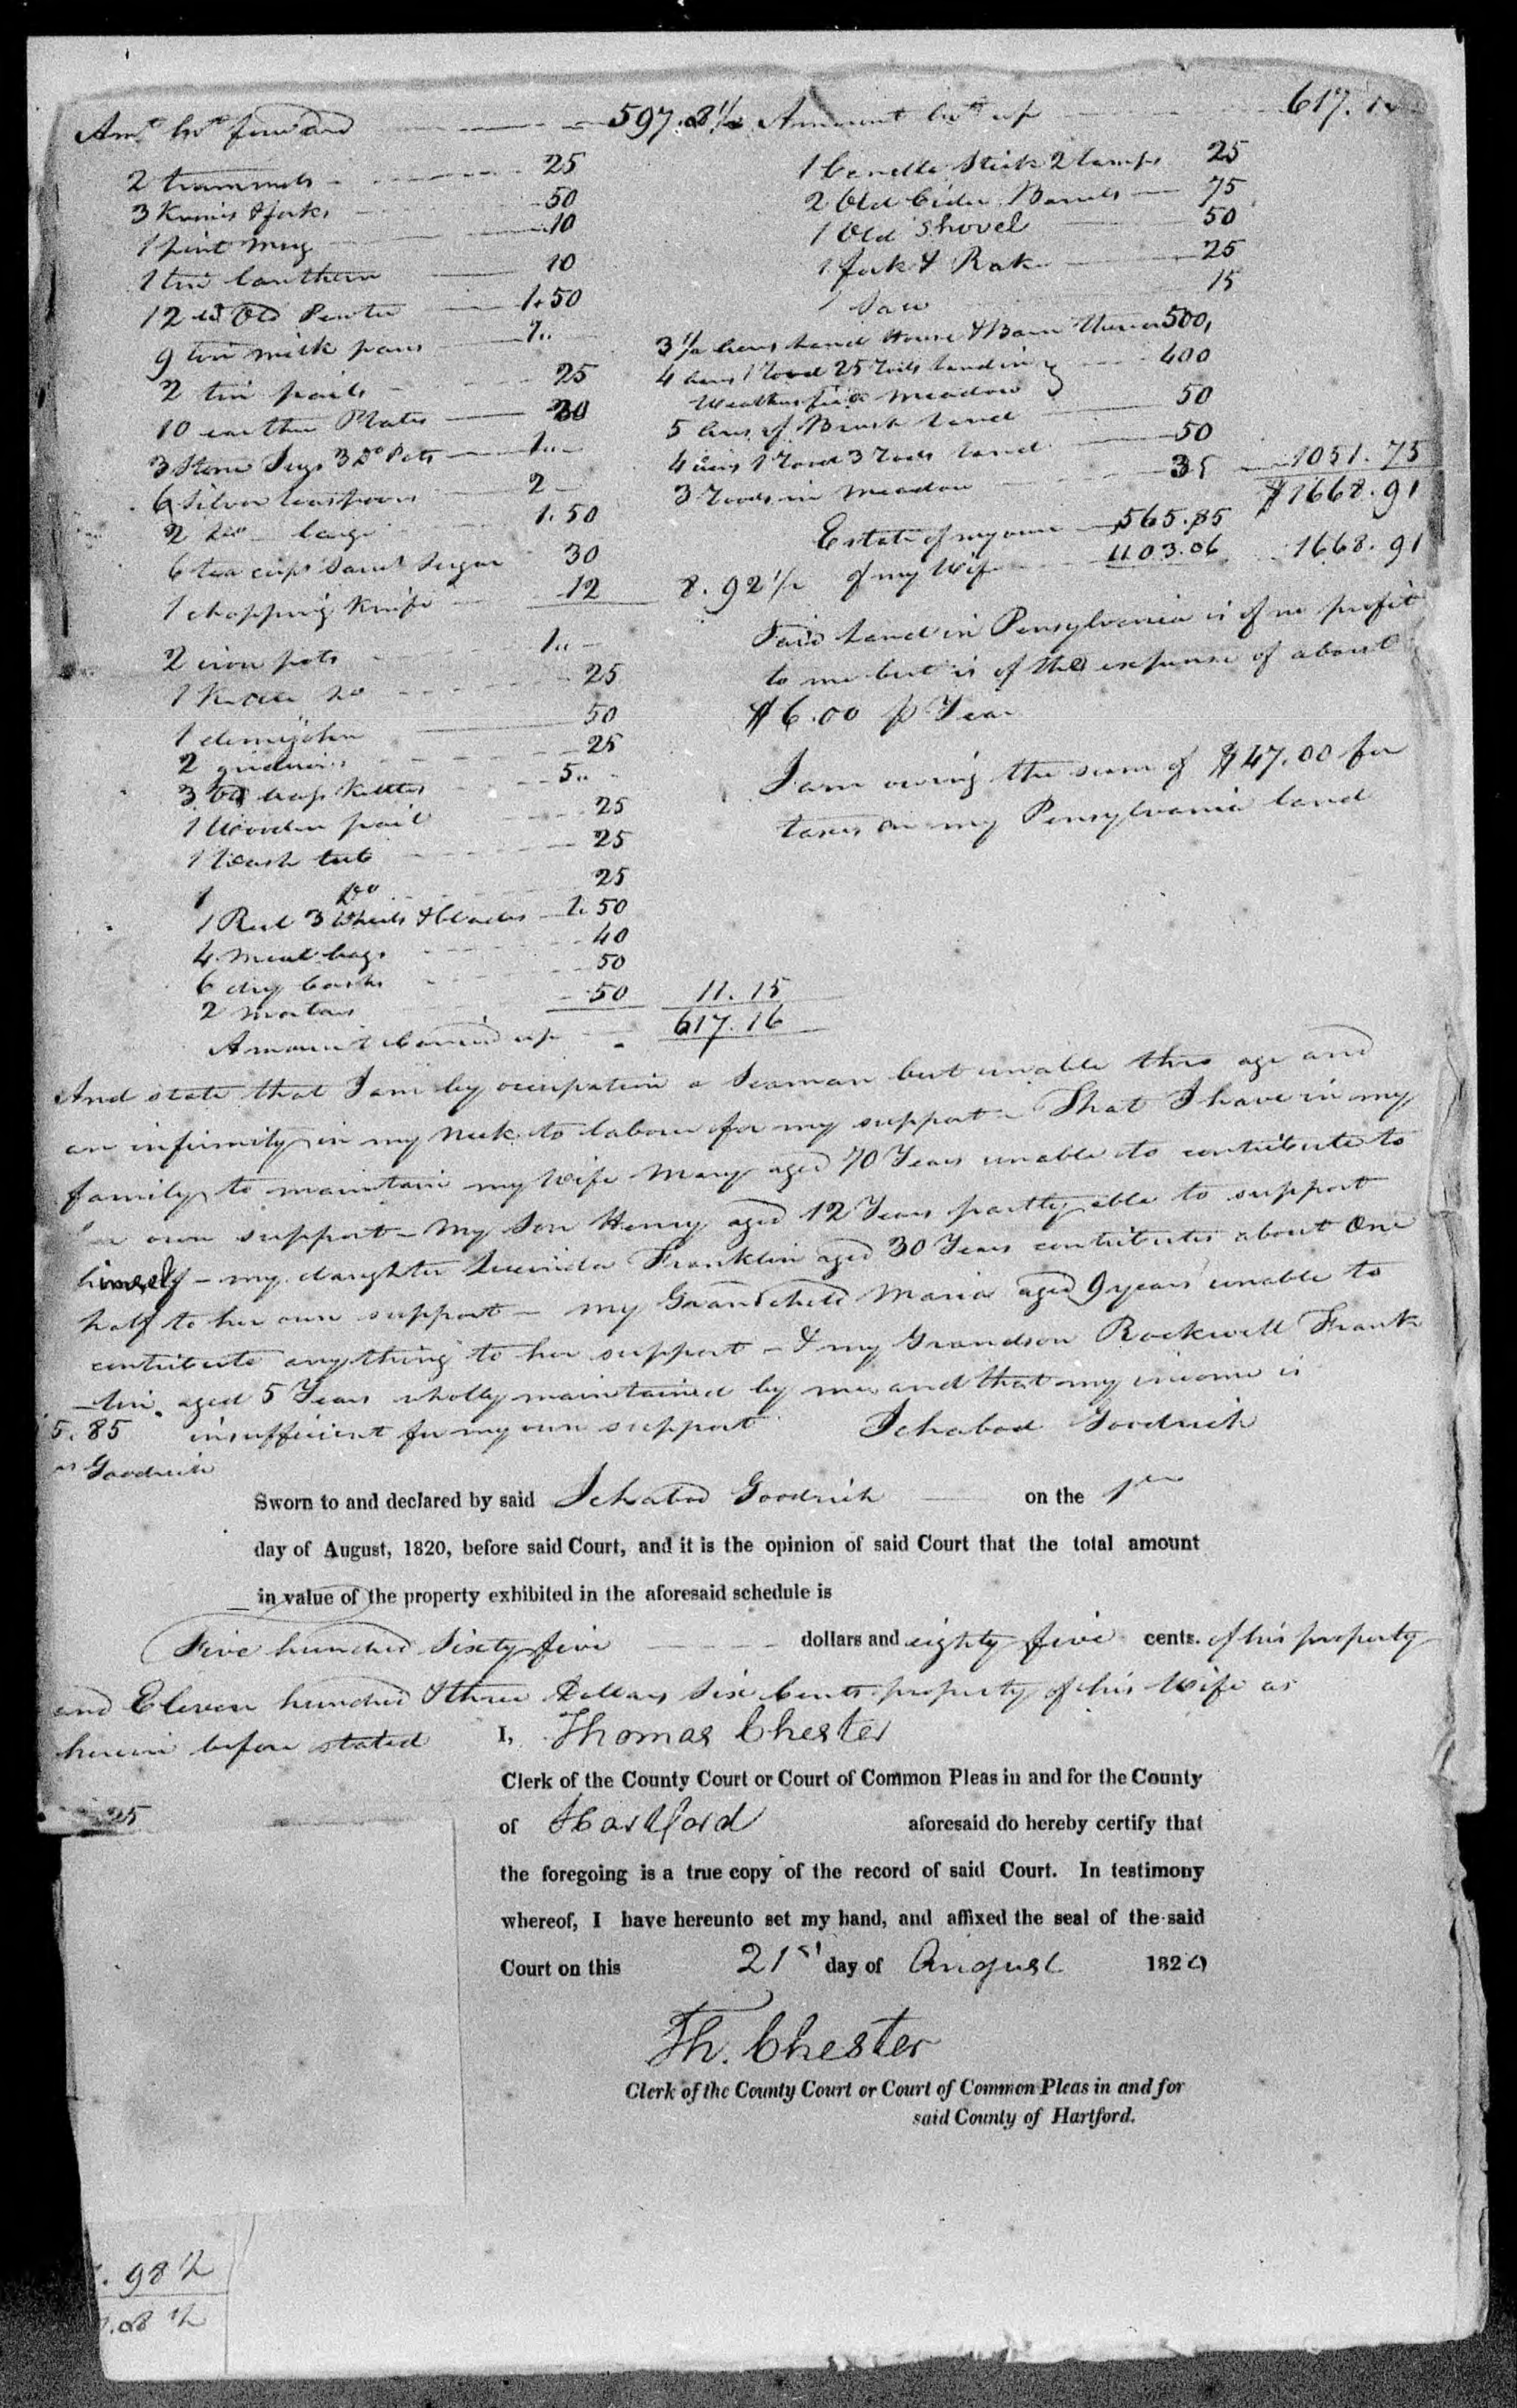Amt brt forward     597.2 1/2
2 trammels    .25
3 knives & forks  .50
1 pint mug  .10
1 tin canteen  .10
12 old pewter  1.50
9 tin milk pans  7.00
2 tin pails  .25
10 earthen plates .30
3 stone jugs 3 stone pots  7.00
6 silver teaspoons 2.00
2 [illegible] large 1.50
6 tea cups [illegible]  .30
1 chopping knife  .12
2 iron pots  1.00
1 kettle [illegible]  .25
1 demijohn  .50
2 gridirons  .25
3 old brass kettles 5.00
1 wooden pail  .25
1 trash tote  .25
1 tote  .25
1 rut 3 wheels & blacks  2.50
4 meal bags   .40
6 dry corks  .50
2 [illegible]  .50
_______
11.15
______
Amount carried up  617.16

Amount card up  617.16
1 candle stick 2 lamps  .25
2 old cider barrels .75
1 old shovel  .50
1 fork & rake   .25
1 saw  .15

3 1/2 acres land, house & barn thereon 500
4 acres 1 wood 25 acres land in wethersfield meadows    400
5 acres of brush land    50
4 acres of wood 3 rods land    50
37 rods in meadow    35
-------------------
1051.75
Estate of my name 565.85    $1668.91
Estate of my wife 1103.06    $1668.91

Said land in Pennsylvania is of no profit to me but is of the expense of about $6.00 per year.

I am owing the sum of $47.00 for taxes on my Pennsylvania land.


And state that I am by occupation a Seaman but unable through age and an infirmity in my neck to labor for my support. That I have in my family to maintain 
my wife Mary aged 70 years unable to contribute to our own support.
My son Henry aged 12 years partly able to support himself.
My daughter Lucinda Franklin aged 30 years contributes about one half to her own support.
My grandchild Maria aged 9 years unable to contribute anything to her support.
& my grandson Rockwell Franklin, aged 5 years wholly maintained by me.

And that my income is 15.85 insufficient for my own support.
Ichabod Goodrich

Sworn to and declared by said Ichabod Goodrich on the 1st day of August 1820, before said Court, and it is the opinion of said Court that the total amount in value of the property exhibited in the aforesaid schedule is Five hundred sixty five dollars and eighty five cents of his property and eleven hundred & three dollars six cents property of his wife as herein before stated.
I Thomas Chester, Clerk of the County Court of Common Pleas in and for the County of Hartford aforesaid do hereby certify that the foregoing is a true of the record of said Court. In testimony whereof, I have hereunto set my hand, and affixed the seal of the said Court on this 21st day of August 1820.
Th Chester
Clerk of the County Court or Court of Common Pleas in and for said County of Hartford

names: Th Chester, Rockwell Franklin, Ichabod Goodrich, Maria, Lucinda Franklin, Ichabod Goodrich, Goodrich, Henry, Thomas Chester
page: 8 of 46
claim: survivor's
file: S. 36,556, Ichabod Goodrich, Conn.